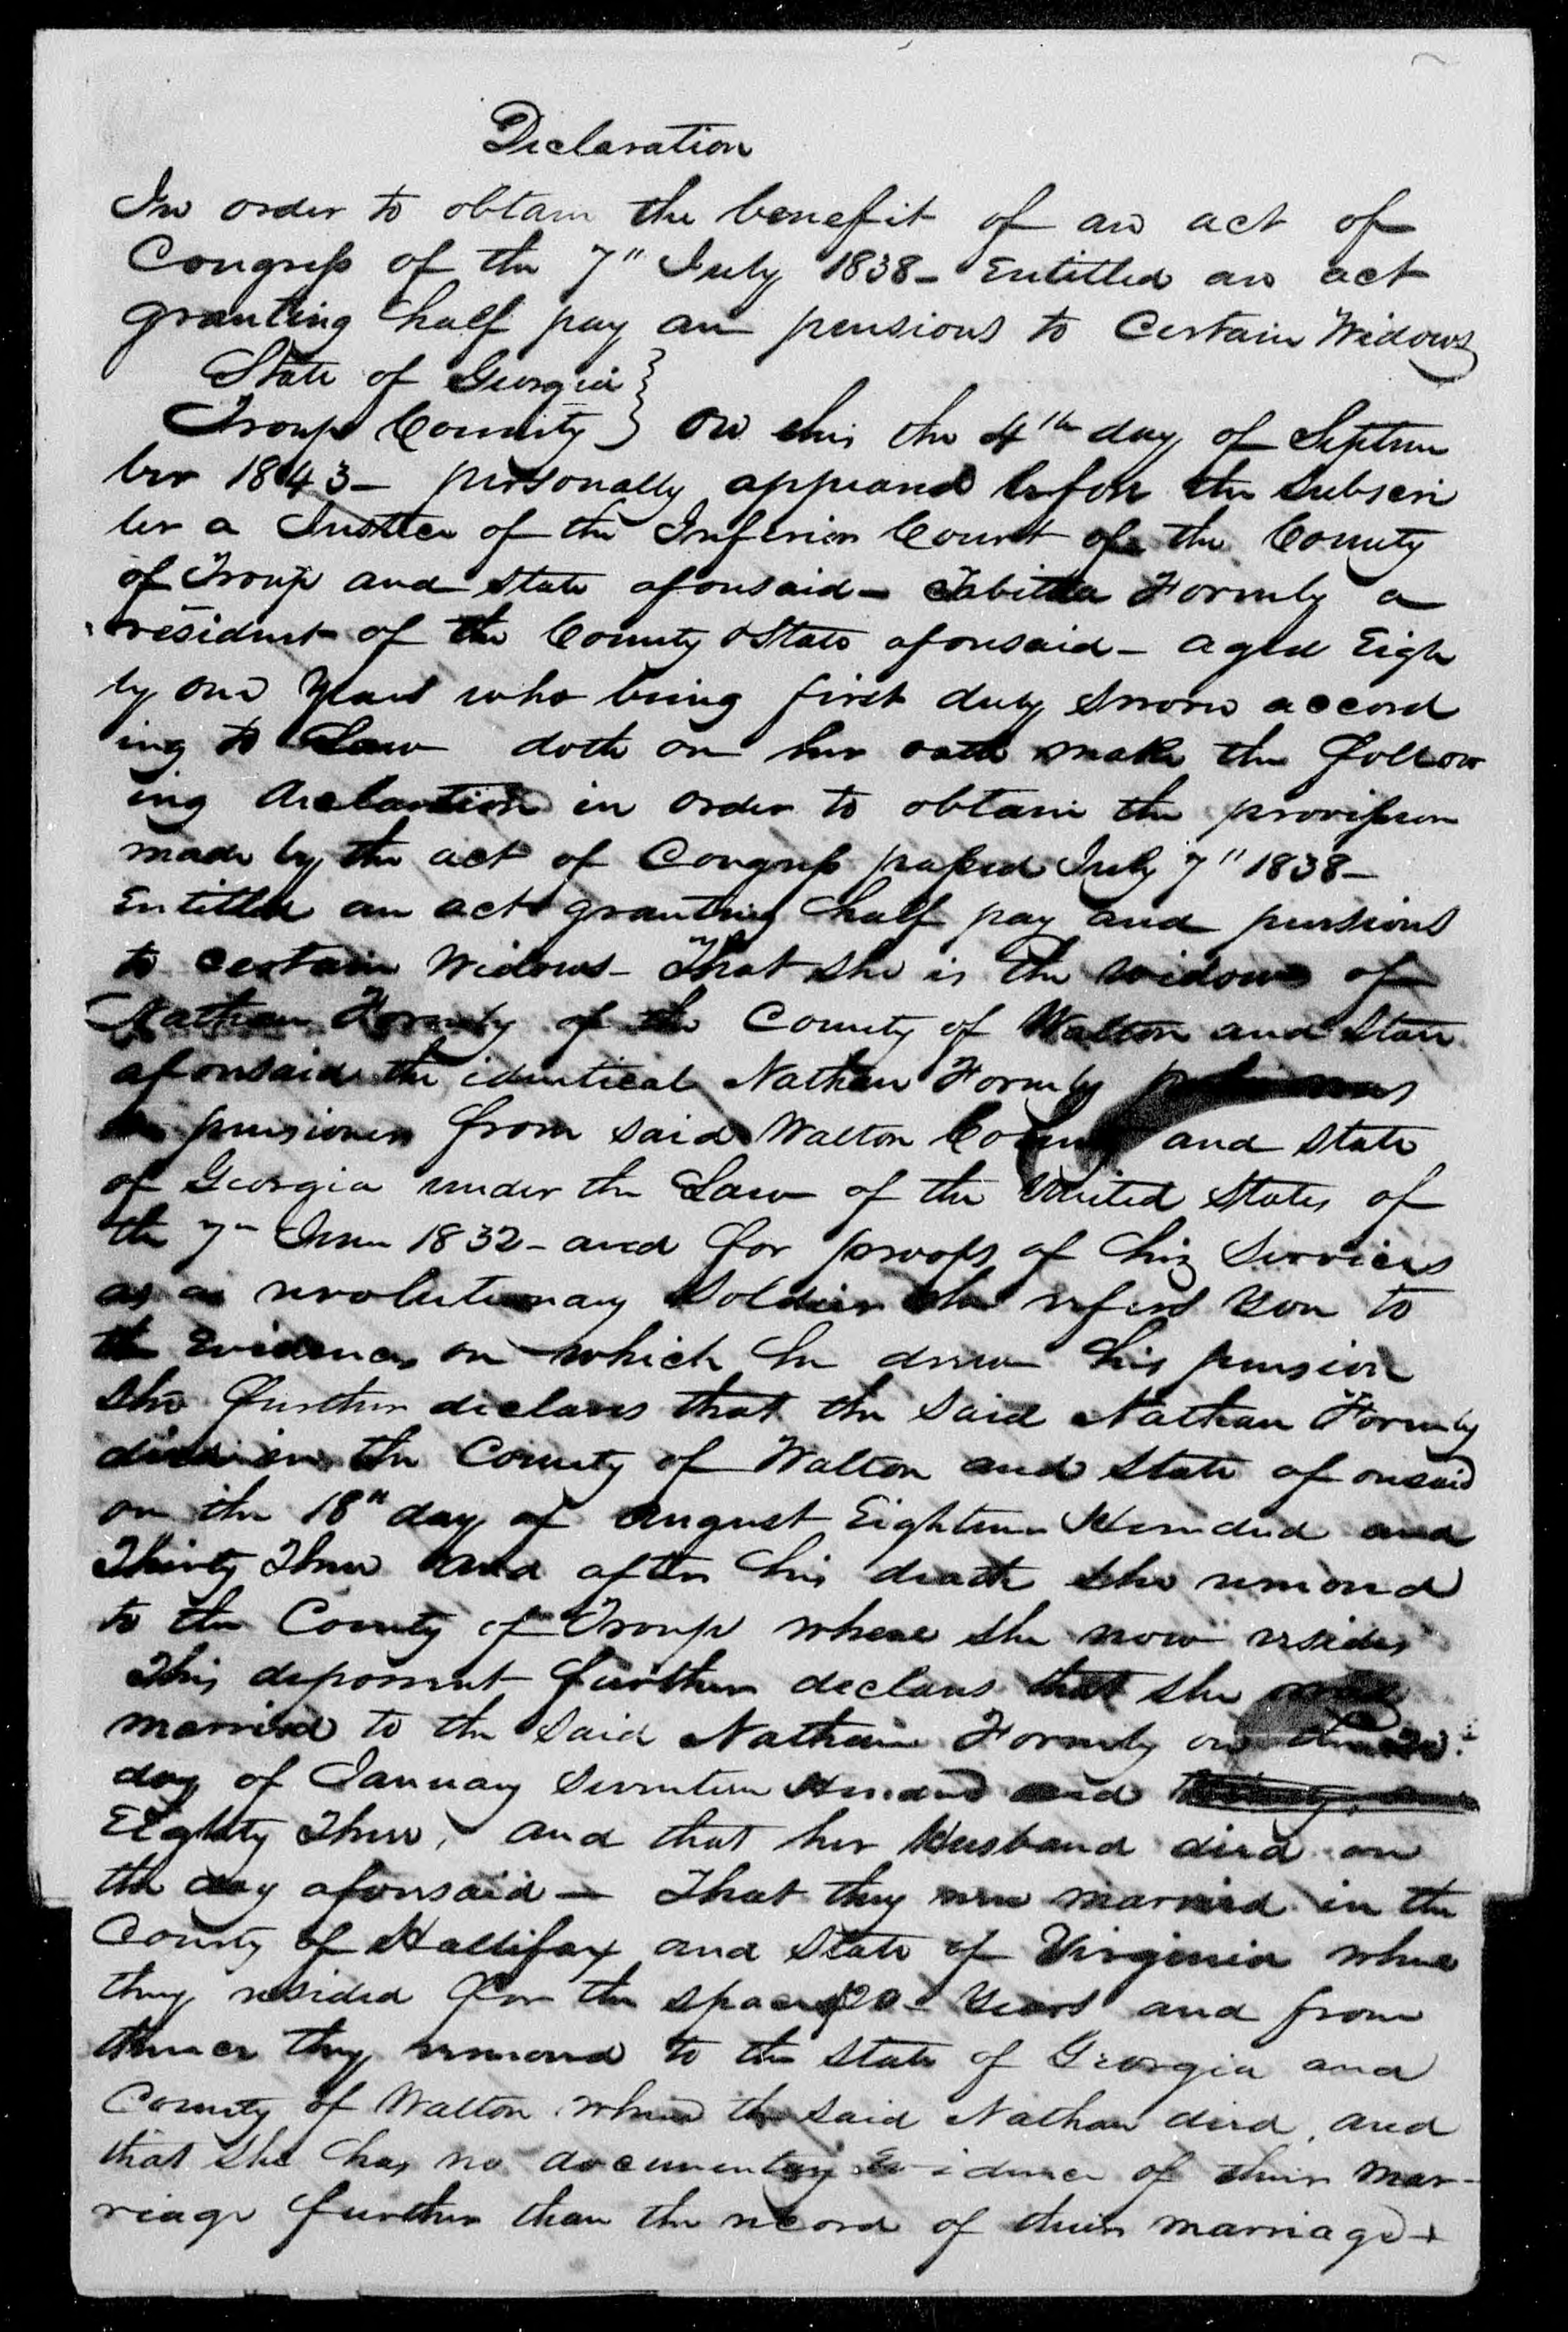Declaration
In order to obtain the benefit of an act of Congress of 7 July 1838 entitled an act granting half pay and pensions to certain widows

State of Georgia }
Troup County }
On this the 4th day of September 1843 - personally appeared before the Subscriber a Justice of the Inferior Court of the County
of Troup and State aforesaid - Tabitha Formby a resident of the County & State aforesaid aged - eighty one years who being first duly sworn according to law doth on her oath make the following declaration in order to obtain the provision made by the act of Congress passed July 7th 1838- entitled an act granting half pay and pensions to certain widows- That she is the widow of Nathan Formby of the County of Walton and State aforesaid the identical Nathan Formby [illegible] [illegible] pensioner from said Walton County and State of Georgia under the Law of the United States of the 7th June 1832 - and for proofs of his Services as a revolutionary soldier he refers you to the evidence on which he drew his pension she further declares that the said Nathan Formby [illegible] in the County of Walton and State aforesaid on the 18th day of August Eighteen Hundred and Thirty Three and after his death she removed to the County of Troup where she now resides

This deponent further declares that she [illegible] married to the said Nathan Formby on [illegible] day of January Seventeen Hundred and [crossed out: illegible] Eighty Three, and that her Husband died on the day aforesaid. That they were married in the County of Hallifax and State of Virginia when they resided for the space of 20 years and from there they removed to the State of Georgia and County of Walton when the said Nathan died, and that she has no documentary evidence of their marriage further than the record of their marriage -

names: Nathan Formby, Nathan Formby, Nathan Formby, Nathan Formby, Nathan, Tabitha Formby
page: 10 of 54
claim: widow's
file: W. 3794, Nathan Formby, Va.